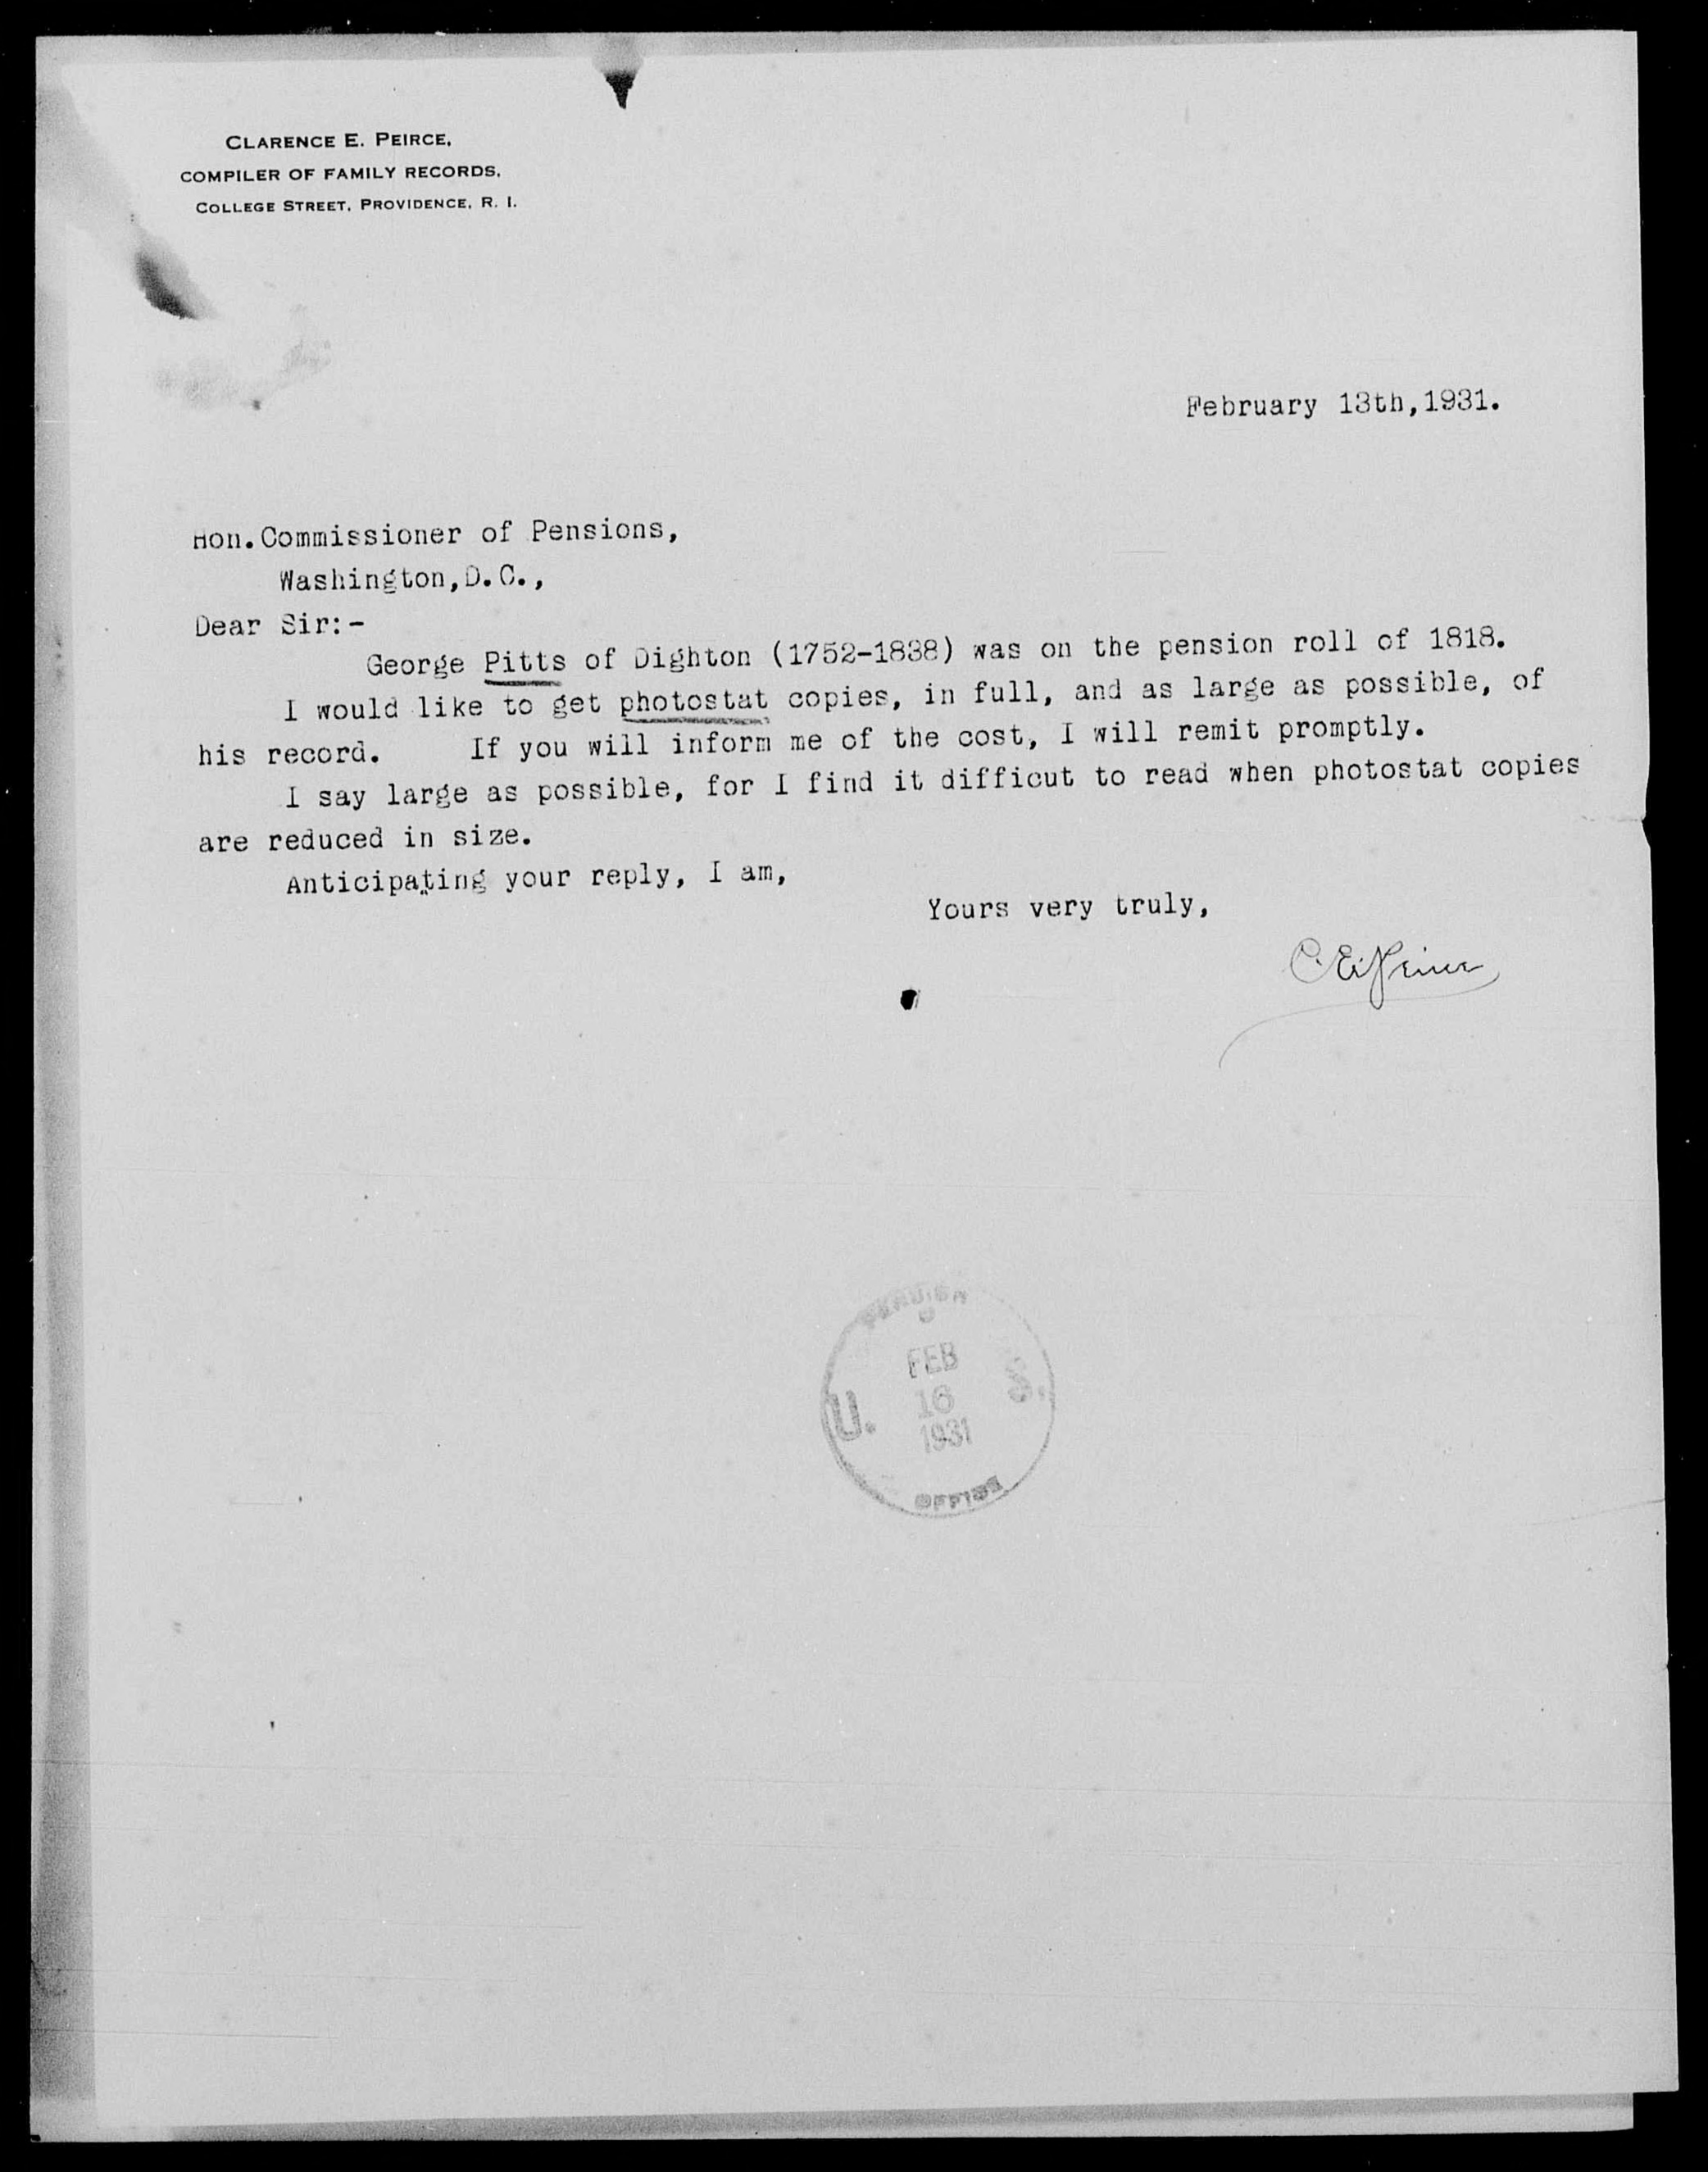CLARENCE E. PEIRCE,
COMPILER OF FAMILY RECORDS
COLLEGE STREET, PROVIDENCE, R.I.
February 13th, 1931.
Hon. Commissioner of Pensions,
Washington, D. C.,
Dear Sir:-
George Pitts of Dighton (1752-1838) was on the pension roll of 1818.
I would like to get photostat copies, in full, and as large as possible, of
his record.
If you will inform me of the cost, I will remit promptly.
I say large as possible, for I find it difficult to read when photostat copies
are reduced in size.
Anticipating your reply, I am,
Yours very truly,
C.E. Peirce
[receipt stamp]
U.S. Pension Office
FEB
16
1831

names: George Pitts; Clarence E Peirce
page: 43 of 54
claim: widow's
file: W. 26,897, for George Pitts, Massachusetts